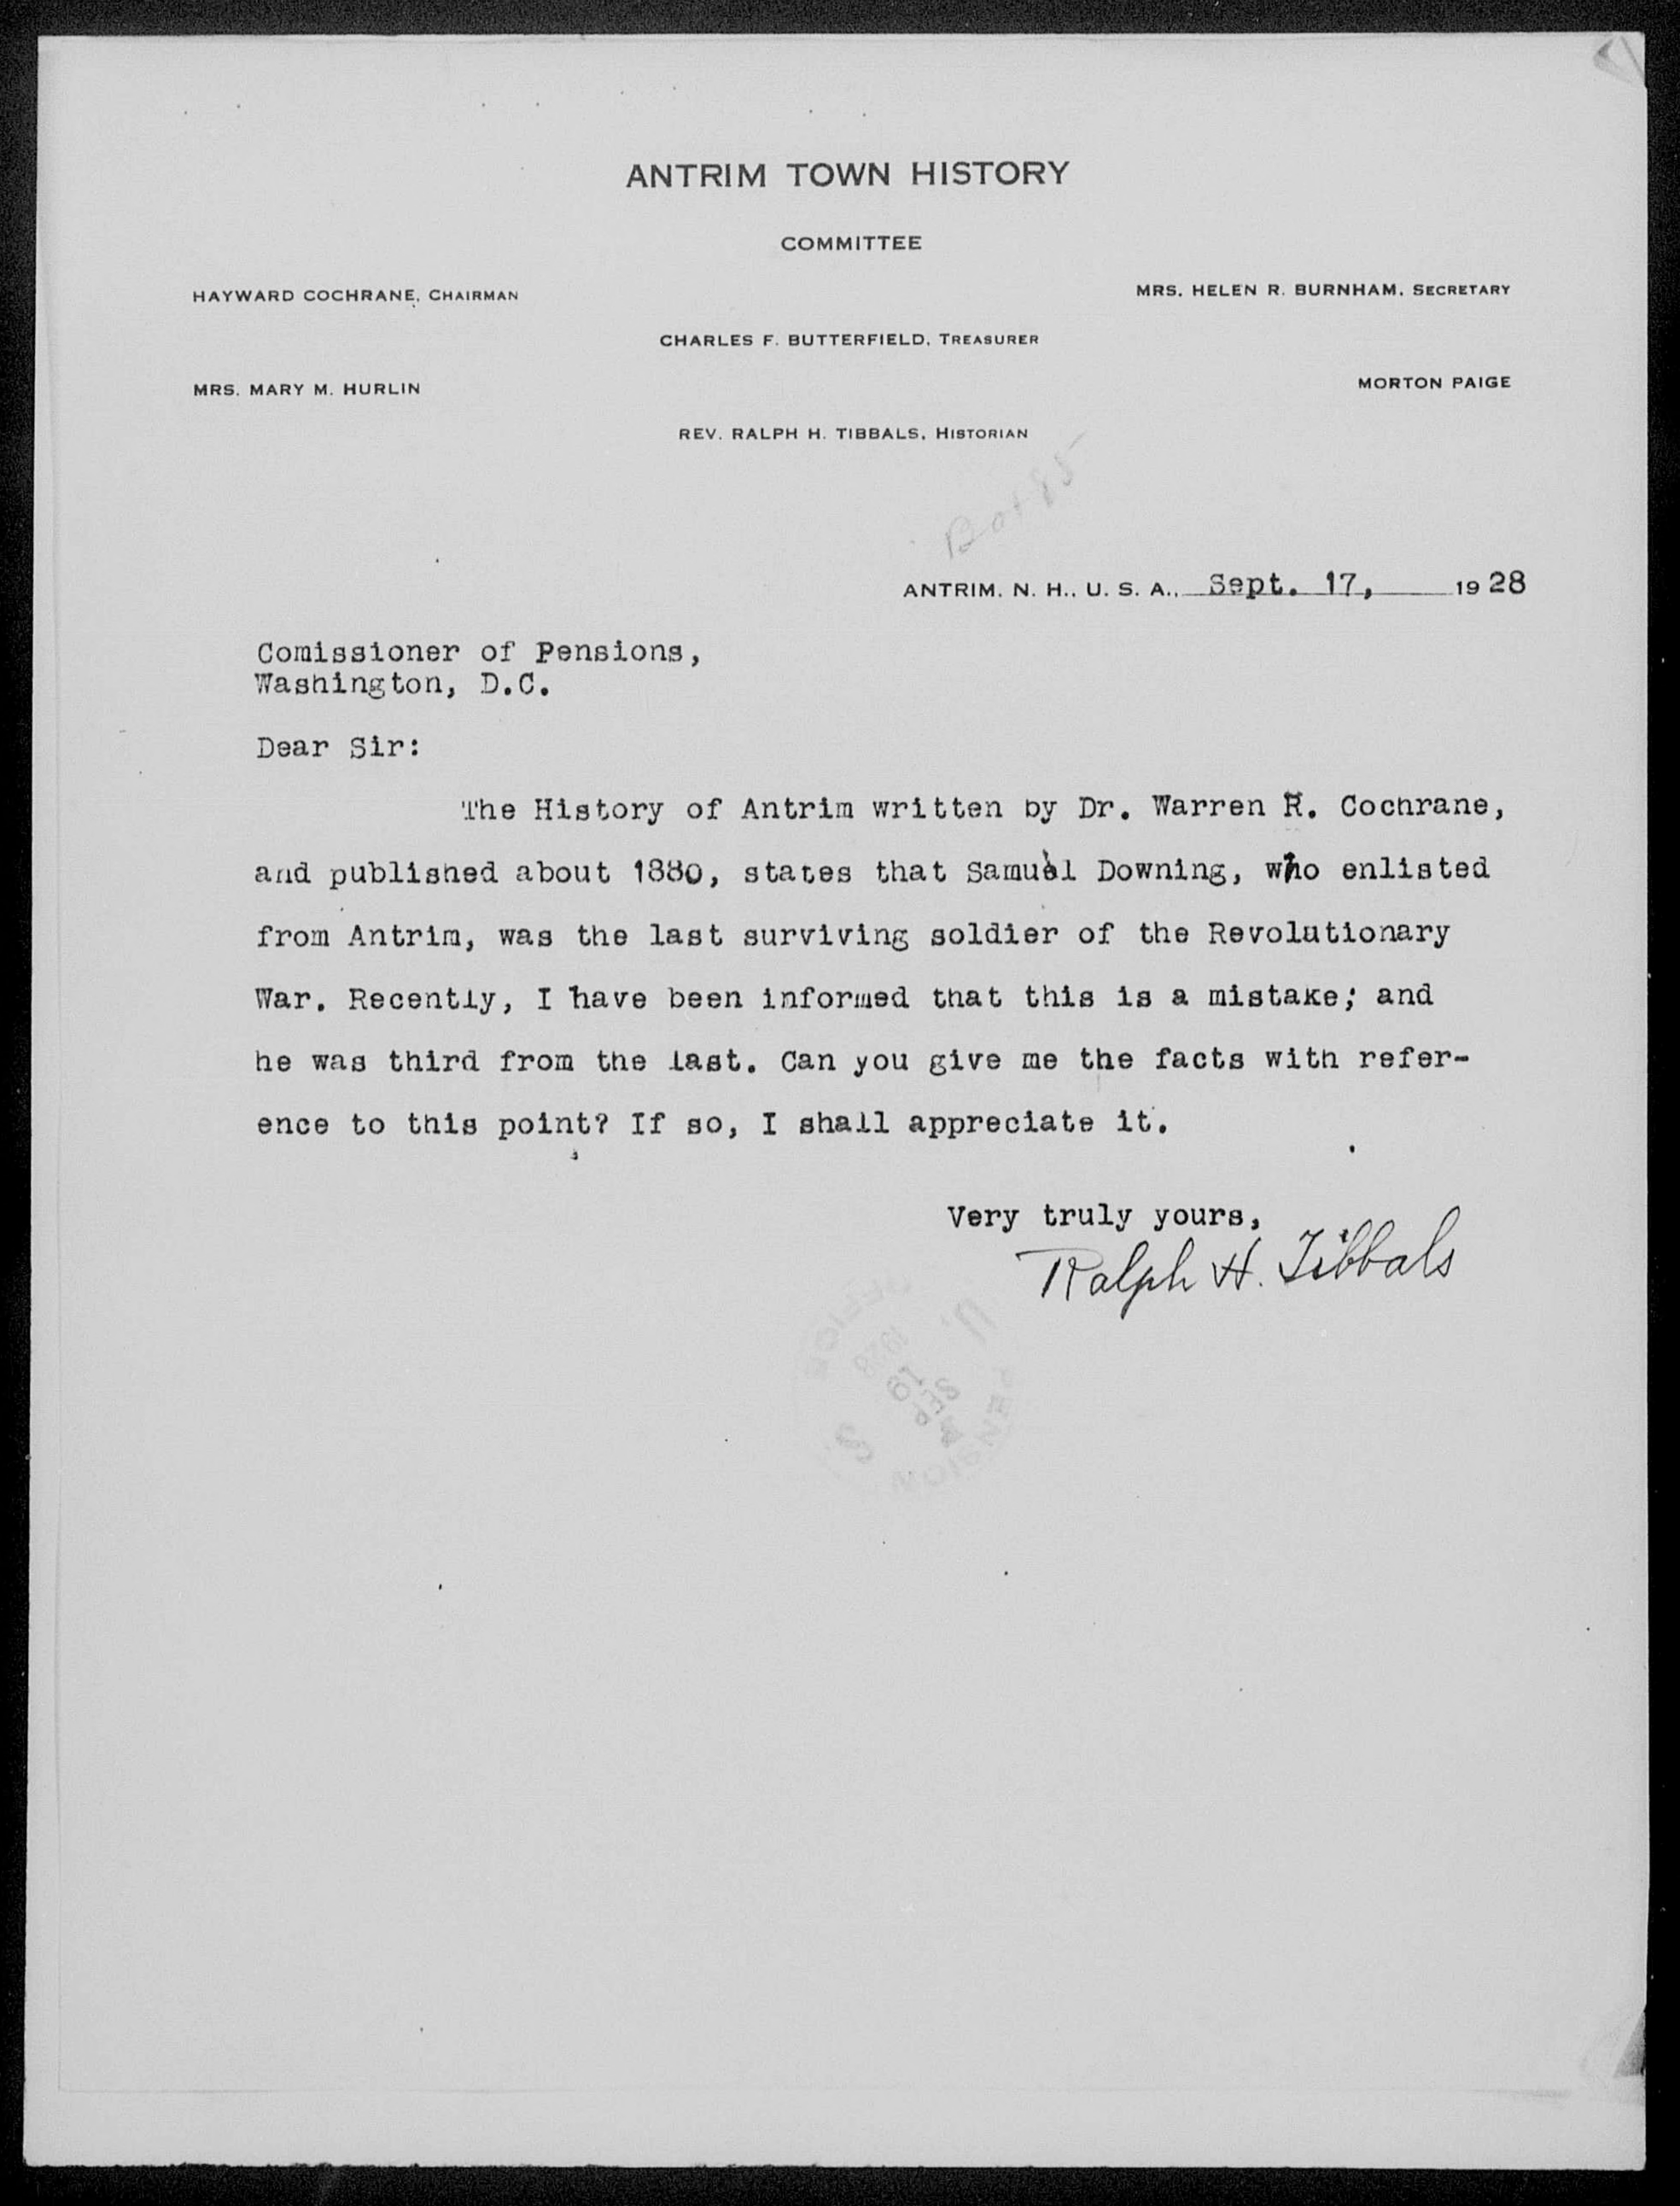ANTRIM TOWN HISTORY 
COMMITTEE
HAYWARD COCHRANE, CHAIRMAN
MRS. HELEN R. BURNHAM, SECRETARY
CHARLES F. BUTTERFIELD, TREASURER 
MRS. MARY M. HURLIN
MORTON PAIGE
REV. RALPH H. TIBBALS, HISTORIAN 
ANTRIM, N.H., U.S.A., Sept. 17, 1928
Commissioner of Pensions,
Washington, D.C.
Dear Sir:
The History of Antrim written by Dr. Warren R. Cochrane, and published about 1880, states that Samuel Downing, who enlisted from Antrim, was the last surviving soldier of the Revolutionary War. Recently, I was informed that this is a mistake; and he was the third from the last. Can you give me the facts with reference to this point? If so, I shall appreciate it.
Very truly yours,
Ralph H. Tibbals
PENSION U. SEP S. 19 1928 OFFICE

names: Helen R Burnham, Hayward Cochrane, Ralph H Tibbals, Ralph H Tibbals, Morton Paige, Warren R Cochrane, Samuel Downing, Charles F Butterfield, Mary M Hurlin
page: 28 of 56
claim: survivor's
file: S. 40,055, Samuel Downing, N.H.